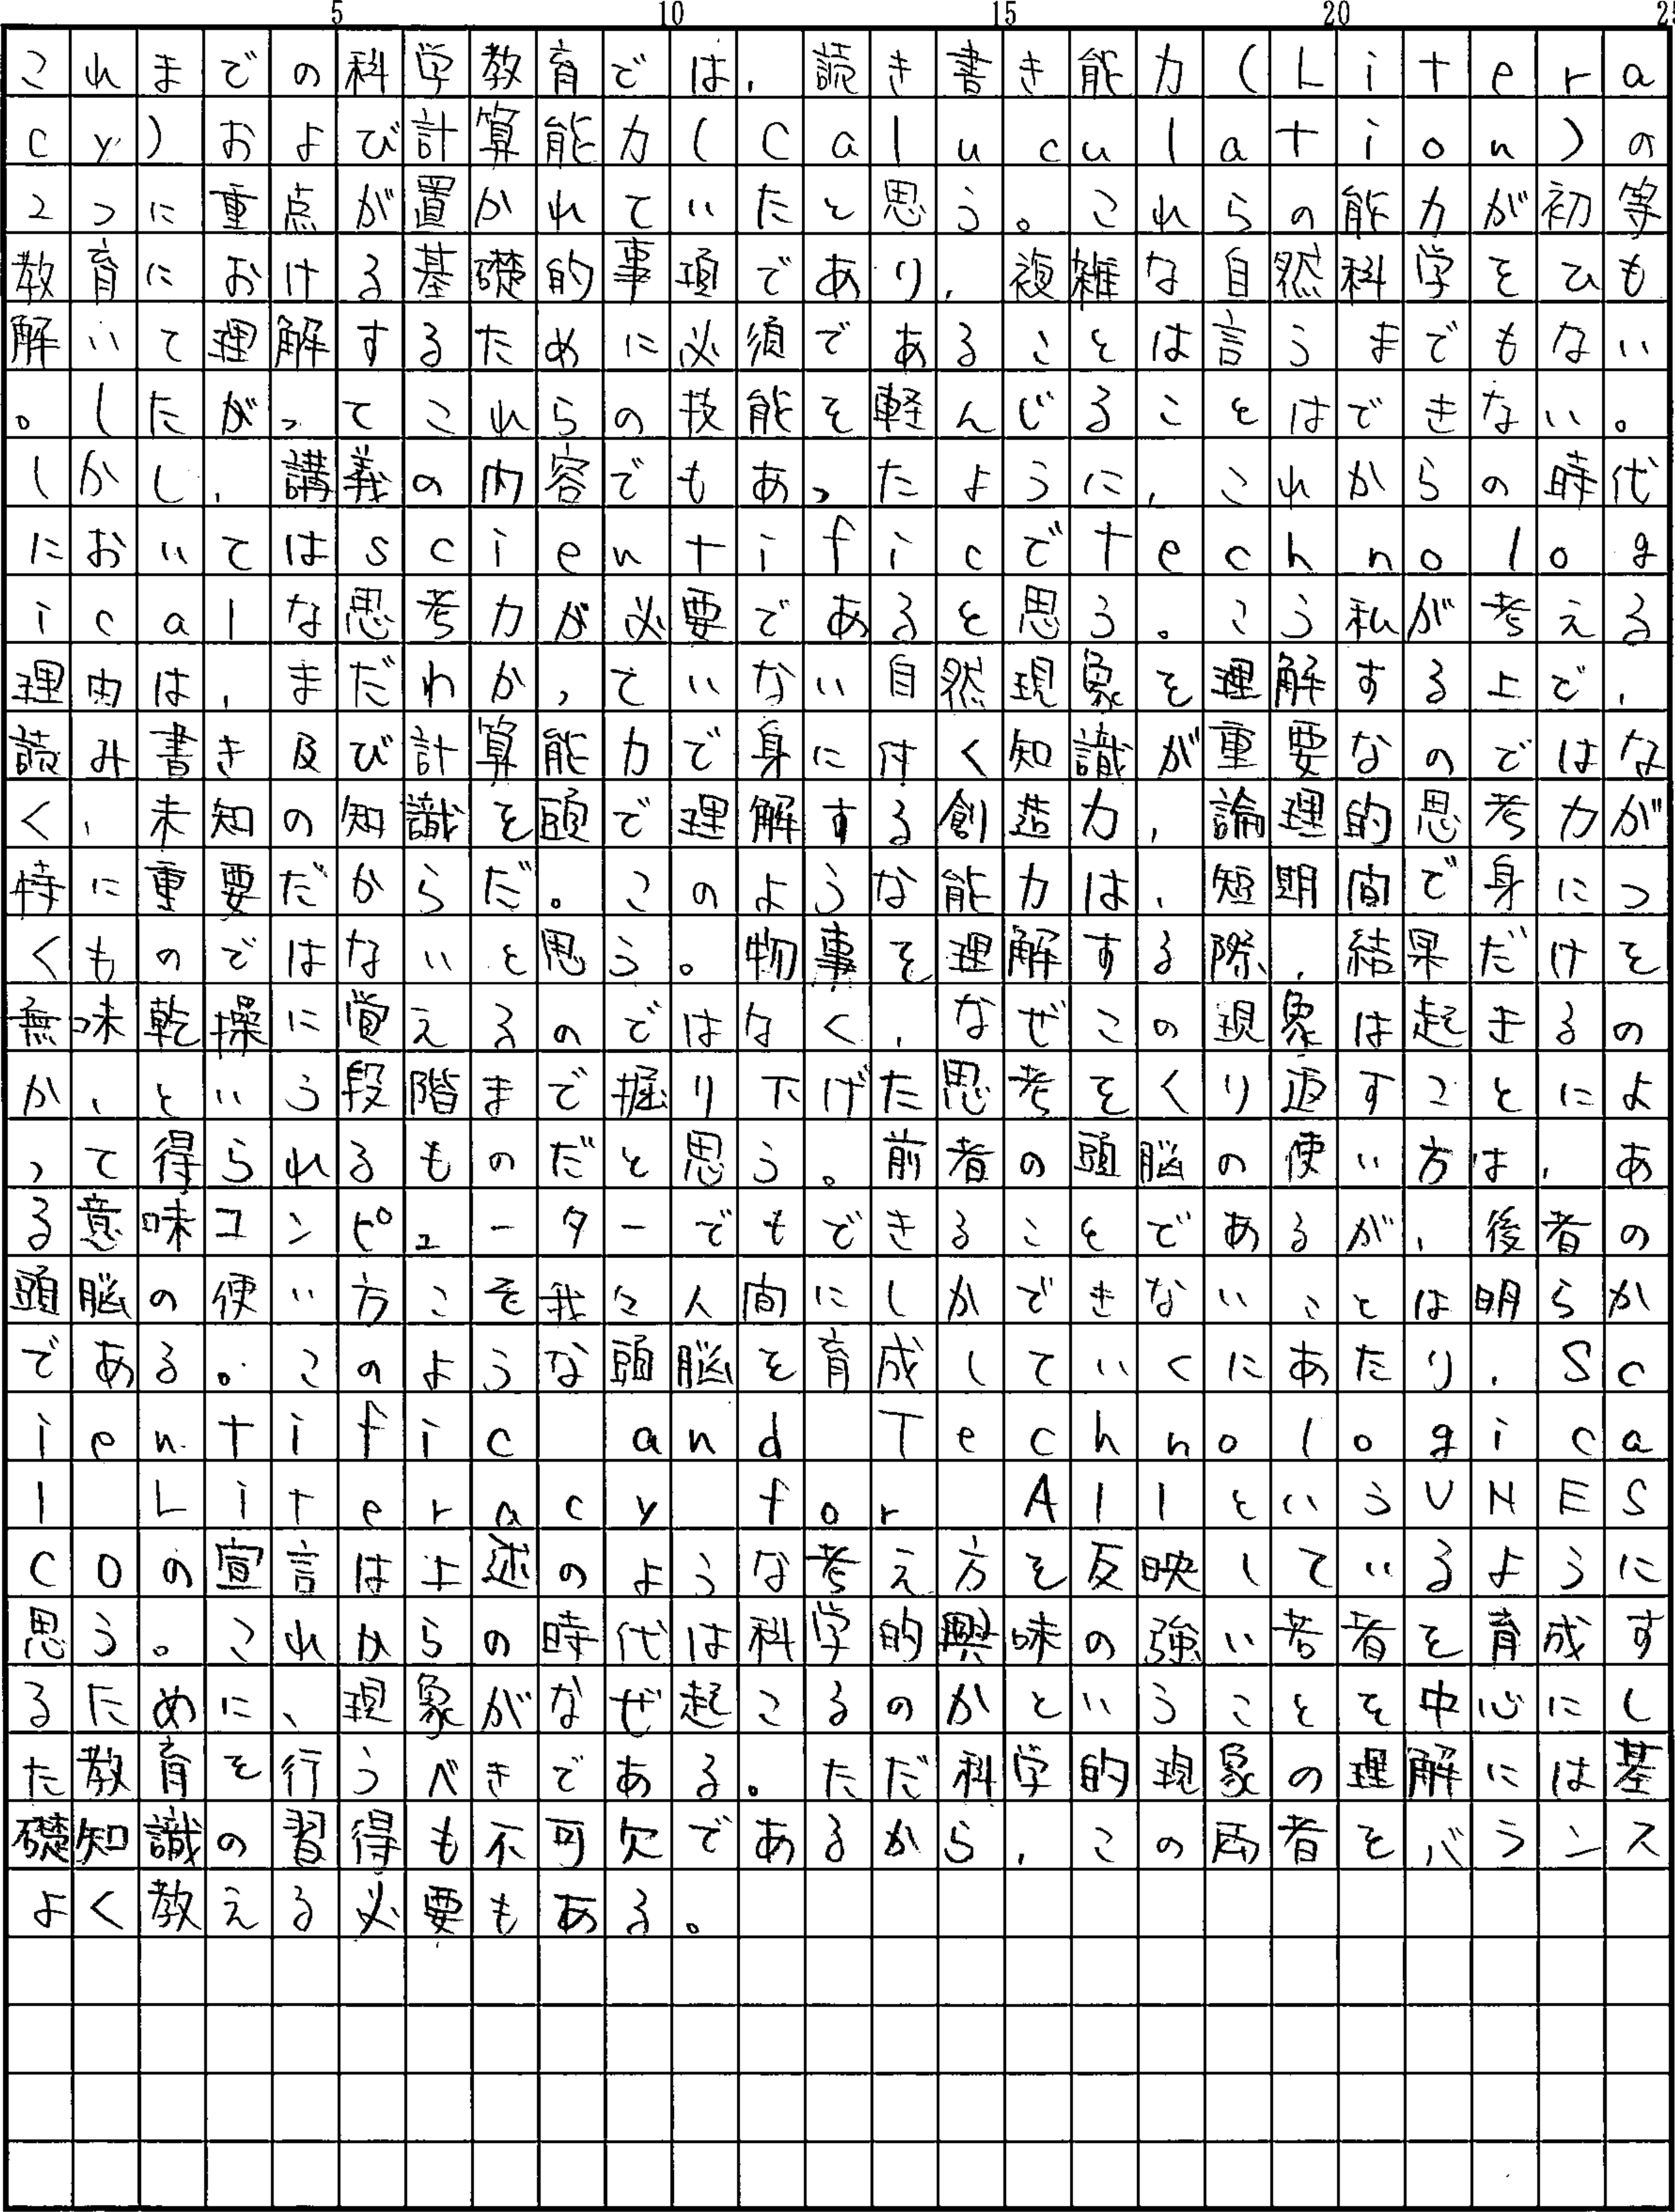これまでの科学教育では、読き書き能力（Ｌｉｔｅｒａｃｙ）および計算能力（Ｃａｌｕｃｕｌａｔｉｏｎ）の２つに重点が置かれていたと思う。これらの能力が初等教育における基礎的事項であり、複雑な自然科学をひも解いて理解するために必須であることは言うまでもない。したがってこれらの技能を軽んじることはできない。しかし、講義の内容でもあったように、これからの時代においてはｓｃｉｅｎｔｉｆｉｃでｔｅｃｈｎｏｌｏｇｉｃａｌな思考力が必要であると思う。こう私が考える理由は、まだわかっていない自然現象を理解する上で、読み書き及び計算能力で身に付く知識が重要なのではなく、未知の知識を頭で理解する創造力、論理的思考力が特に重要だからだ。このような能力は、短期間で身につくものではないと思う。物事を理解する際、結果だけを無味乾操に覚えるのではなく、なぜこの現象は起きるのか、という段階まで掘り下げた思考をくり返すことによって得られるものだと思う。前者の頭脳の使い方は、ある意味コンピューターでもできることであるが、後者の頭脳の使い方こそ我々人間にしかできないことは明らかである。このような▁脳を育成していくにあたり、Ｓｃｉｅｎｔｉｆｉｃ　ａｎｄ　Ｔｅｃｈｎｏｌｏｇｉｃａｌ　Ｌｉｔｅｒａｃｙ　ｆｏｒ　ＡｌｌというＵＮＥＳＣＯの宣言は上述のような考え方を反映しているように思う。これからの時代は科学的興味の強い若者を育成するために、現象がなぜ起こるのかということを中心にした教育を行うべきである。ただ科学的現象の理解には基礎知識の習得も不可欠であるから、この両者をバランスよく教える必要もある。
